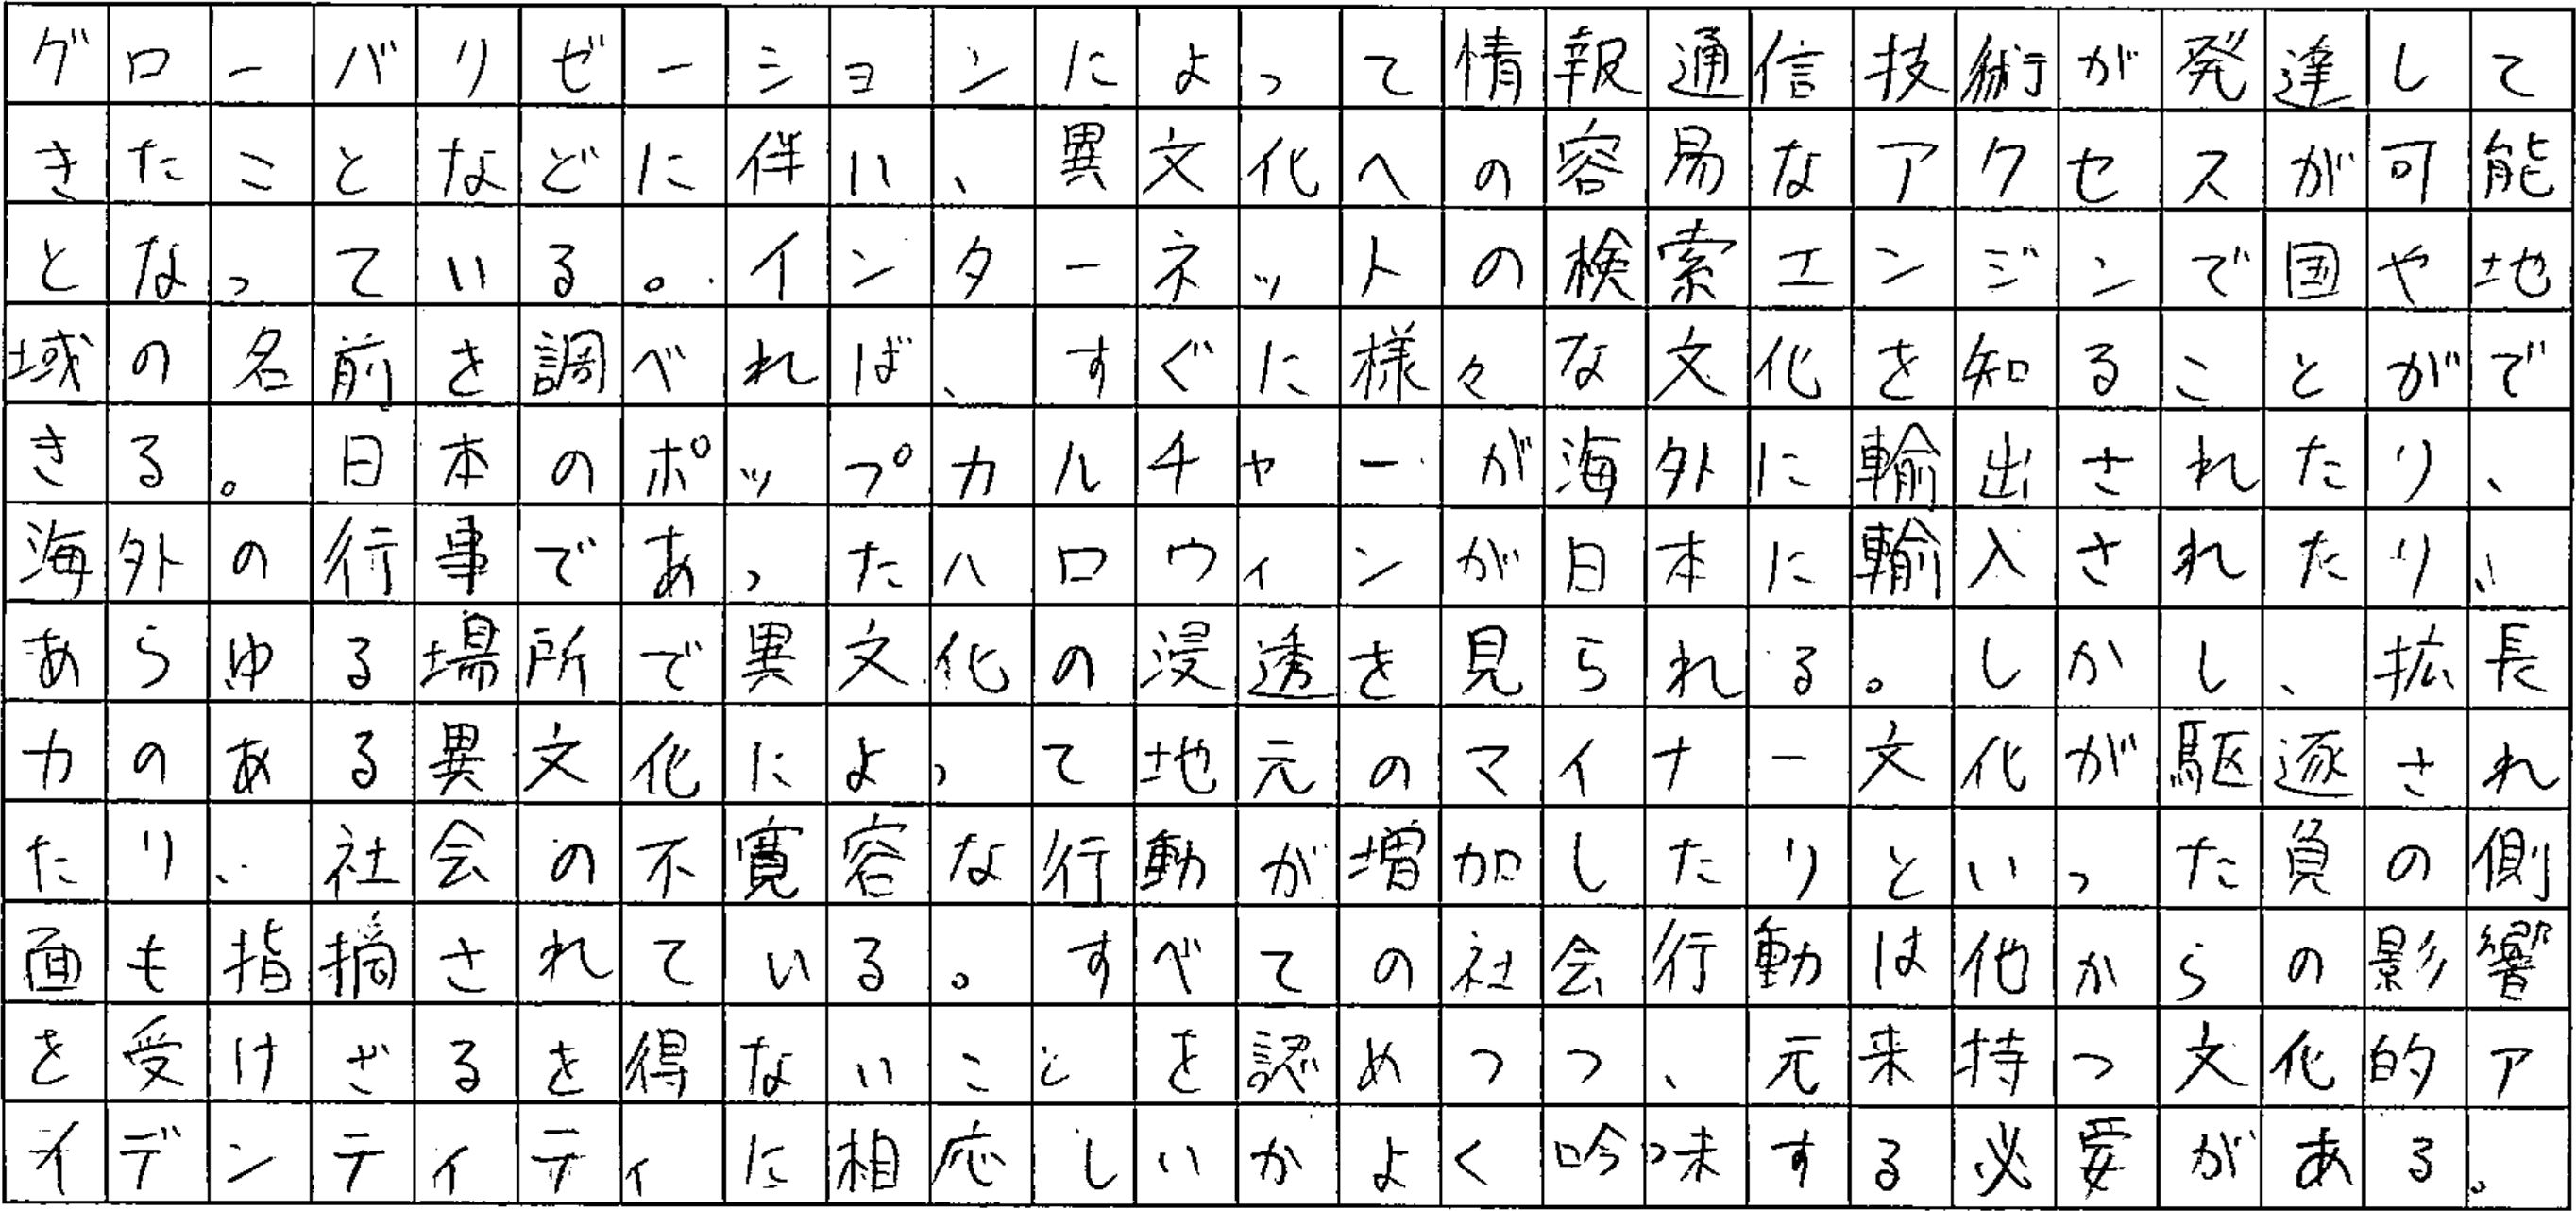グローバリゼーションによって情報通信技術が発達してきたことなどに伴い、異文化への容易なアクセスが可能となっている。インターネットの検索エンジンで国や地域の名前を調べれば、すぐに様々な文化を知ることができる。日本のポップカルチャーが海外に輸出されたり、海外の行事であったハロウィンが日本に輸入されたり、あらゆる場所で異文化の浸透を見られる。しかし、拡長力のある異文化によって地元のマイナー文化が駆逐されたり、社会の不寛容な行動が増加したりといった負の側面も指摘されている。すべての社会行動は他からの影響を受けざるを得ないことを認めつつ、元来持つ文化的アイデンティティに相応しいかよく吟味する必要がある。
